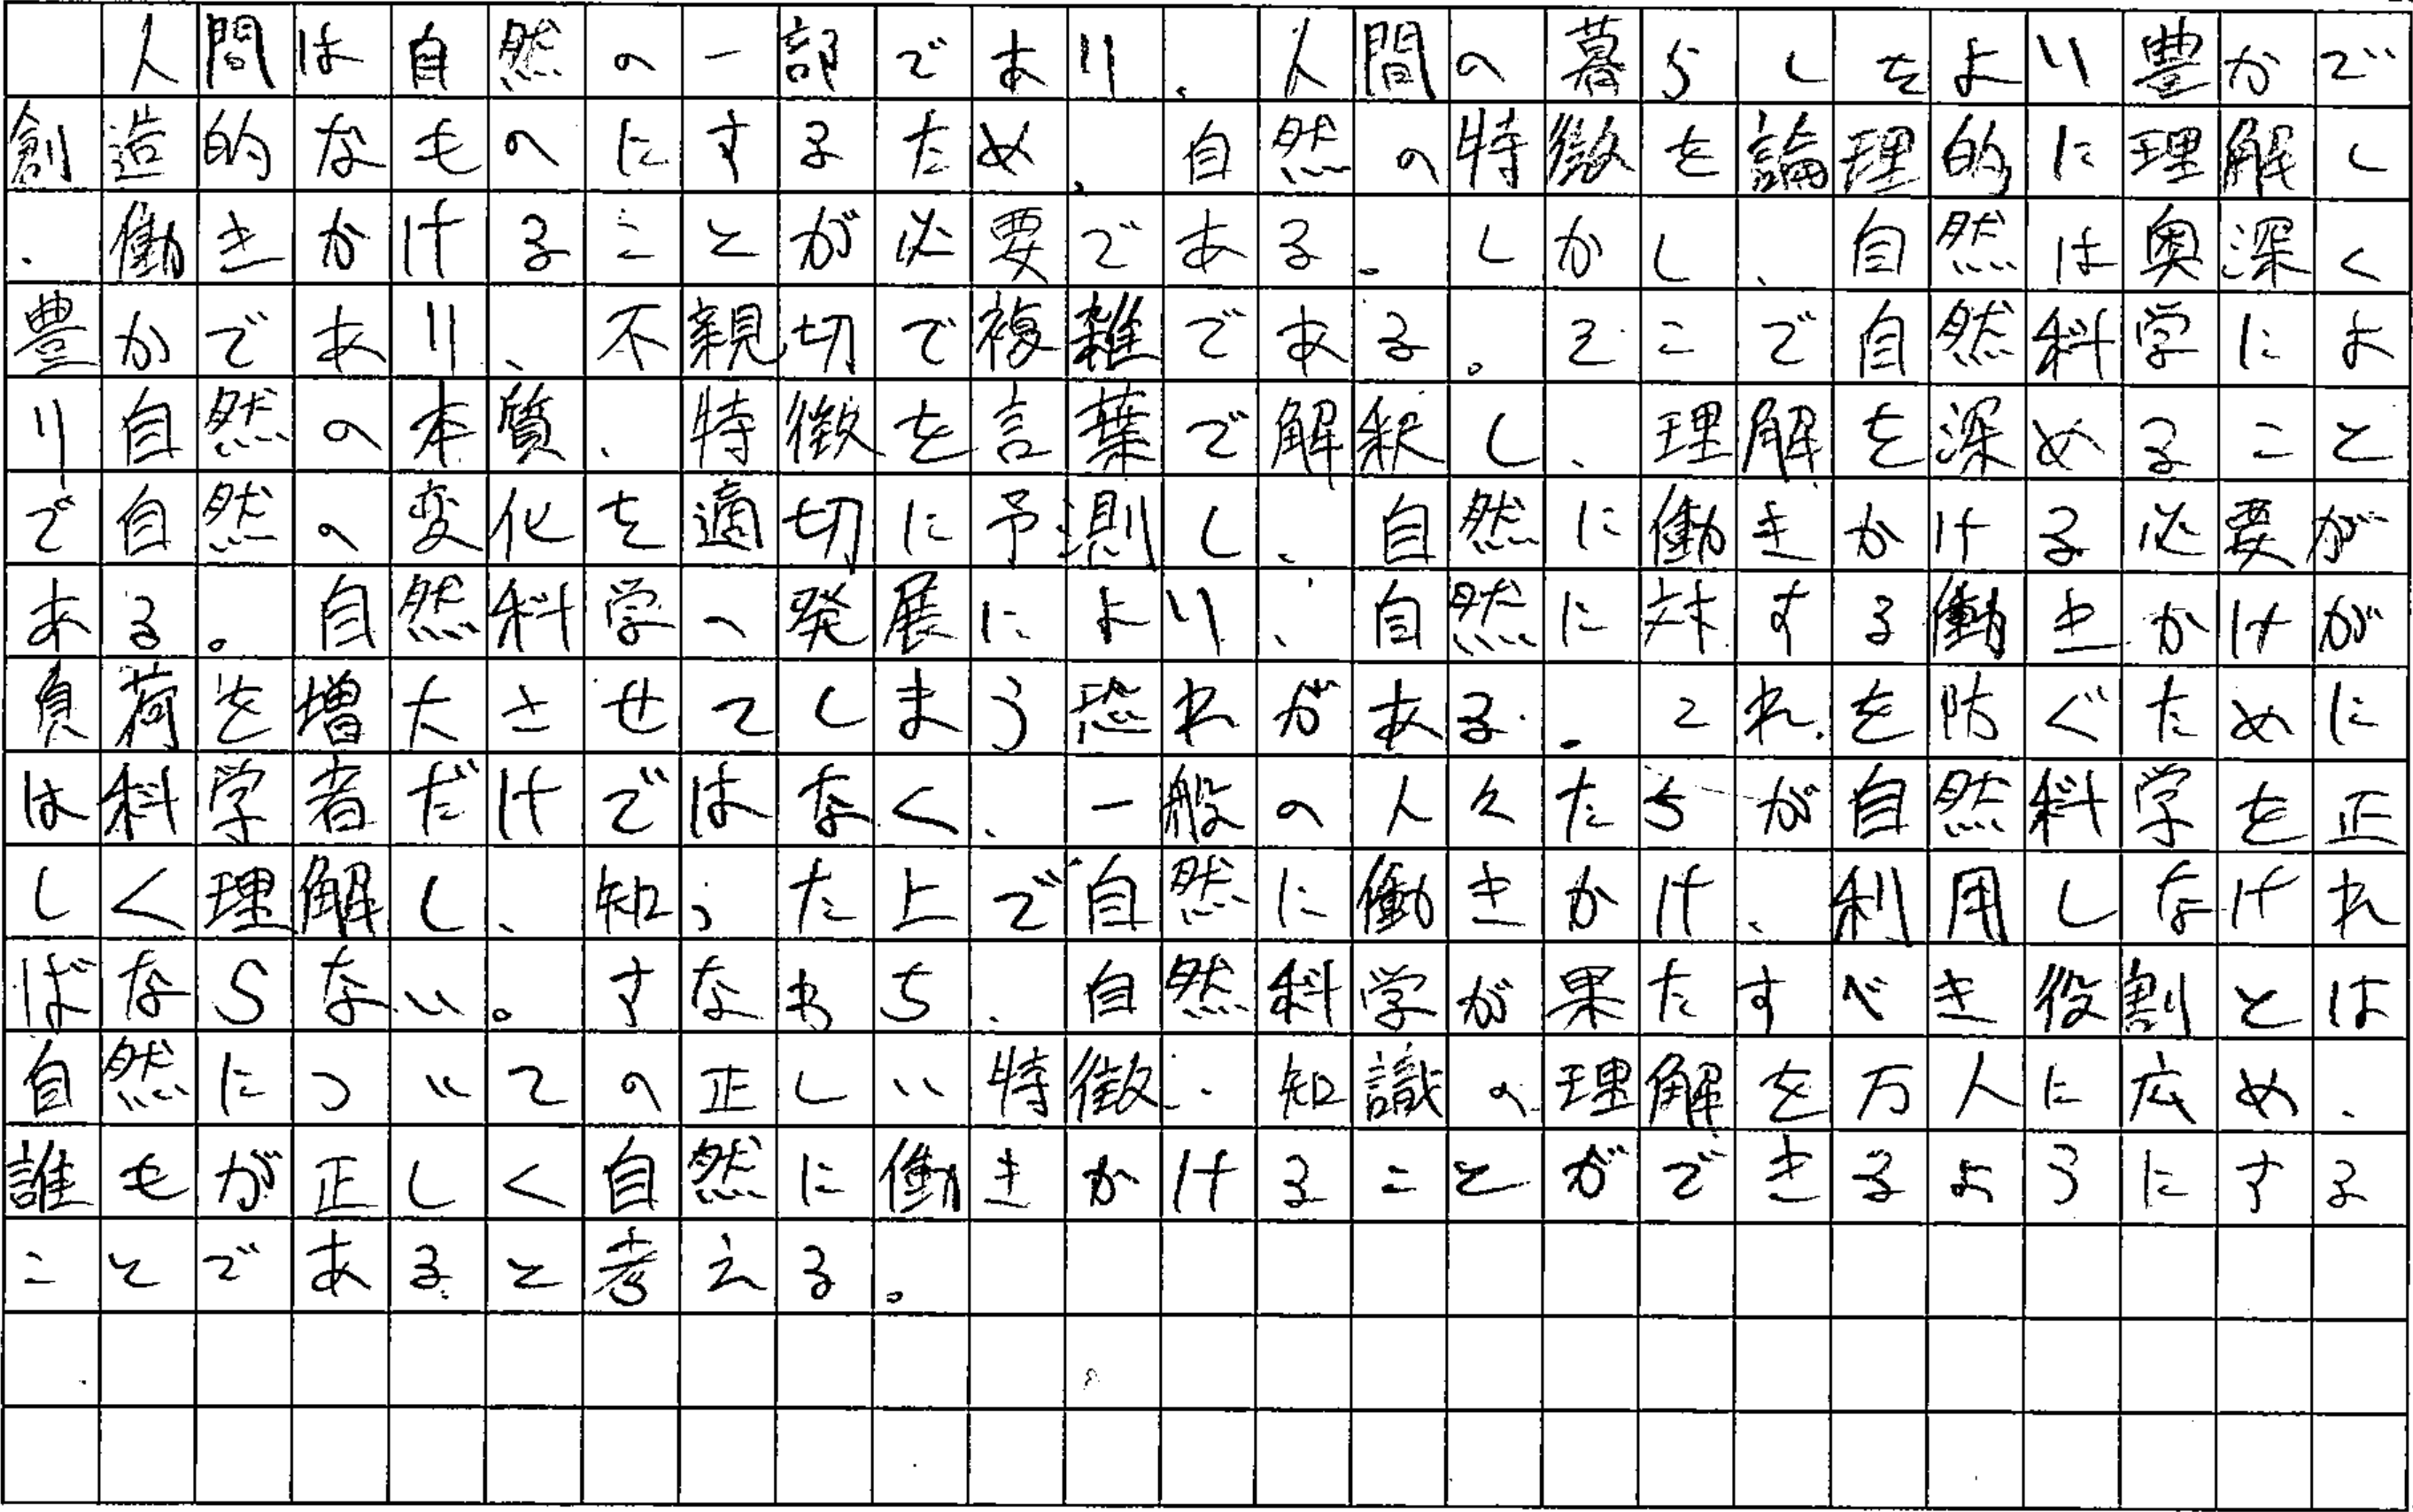　人間は自然の一部であり、人間の暮らしをより豊かで創造的なものにするため、自然の特徴を論理的に理解し、働きかけることが必要である。しかし、自然は奥深く豊かであり、不親切で複雑である。そこで自然科学により自然の本質、特徴を言葉で解釈し、理解を深めることで自然の変化を適切に予測し、自然に働きかける必要がある。自然科学の発展により、自然に対する働きかけが負荷を増大させてしまう恐れがある。これを防ぐためには科学者だけではなく、一般の人々たちが自然科学を正しく理解し、知った上で自然に働きかけ、利用しなければならない。すなわち、自然科学が果たすべき役割とは自然についての正しい特徴・知識の理解を万人に広め、誰もが正しく自然に働きかけることができるようにすることであると考える。
